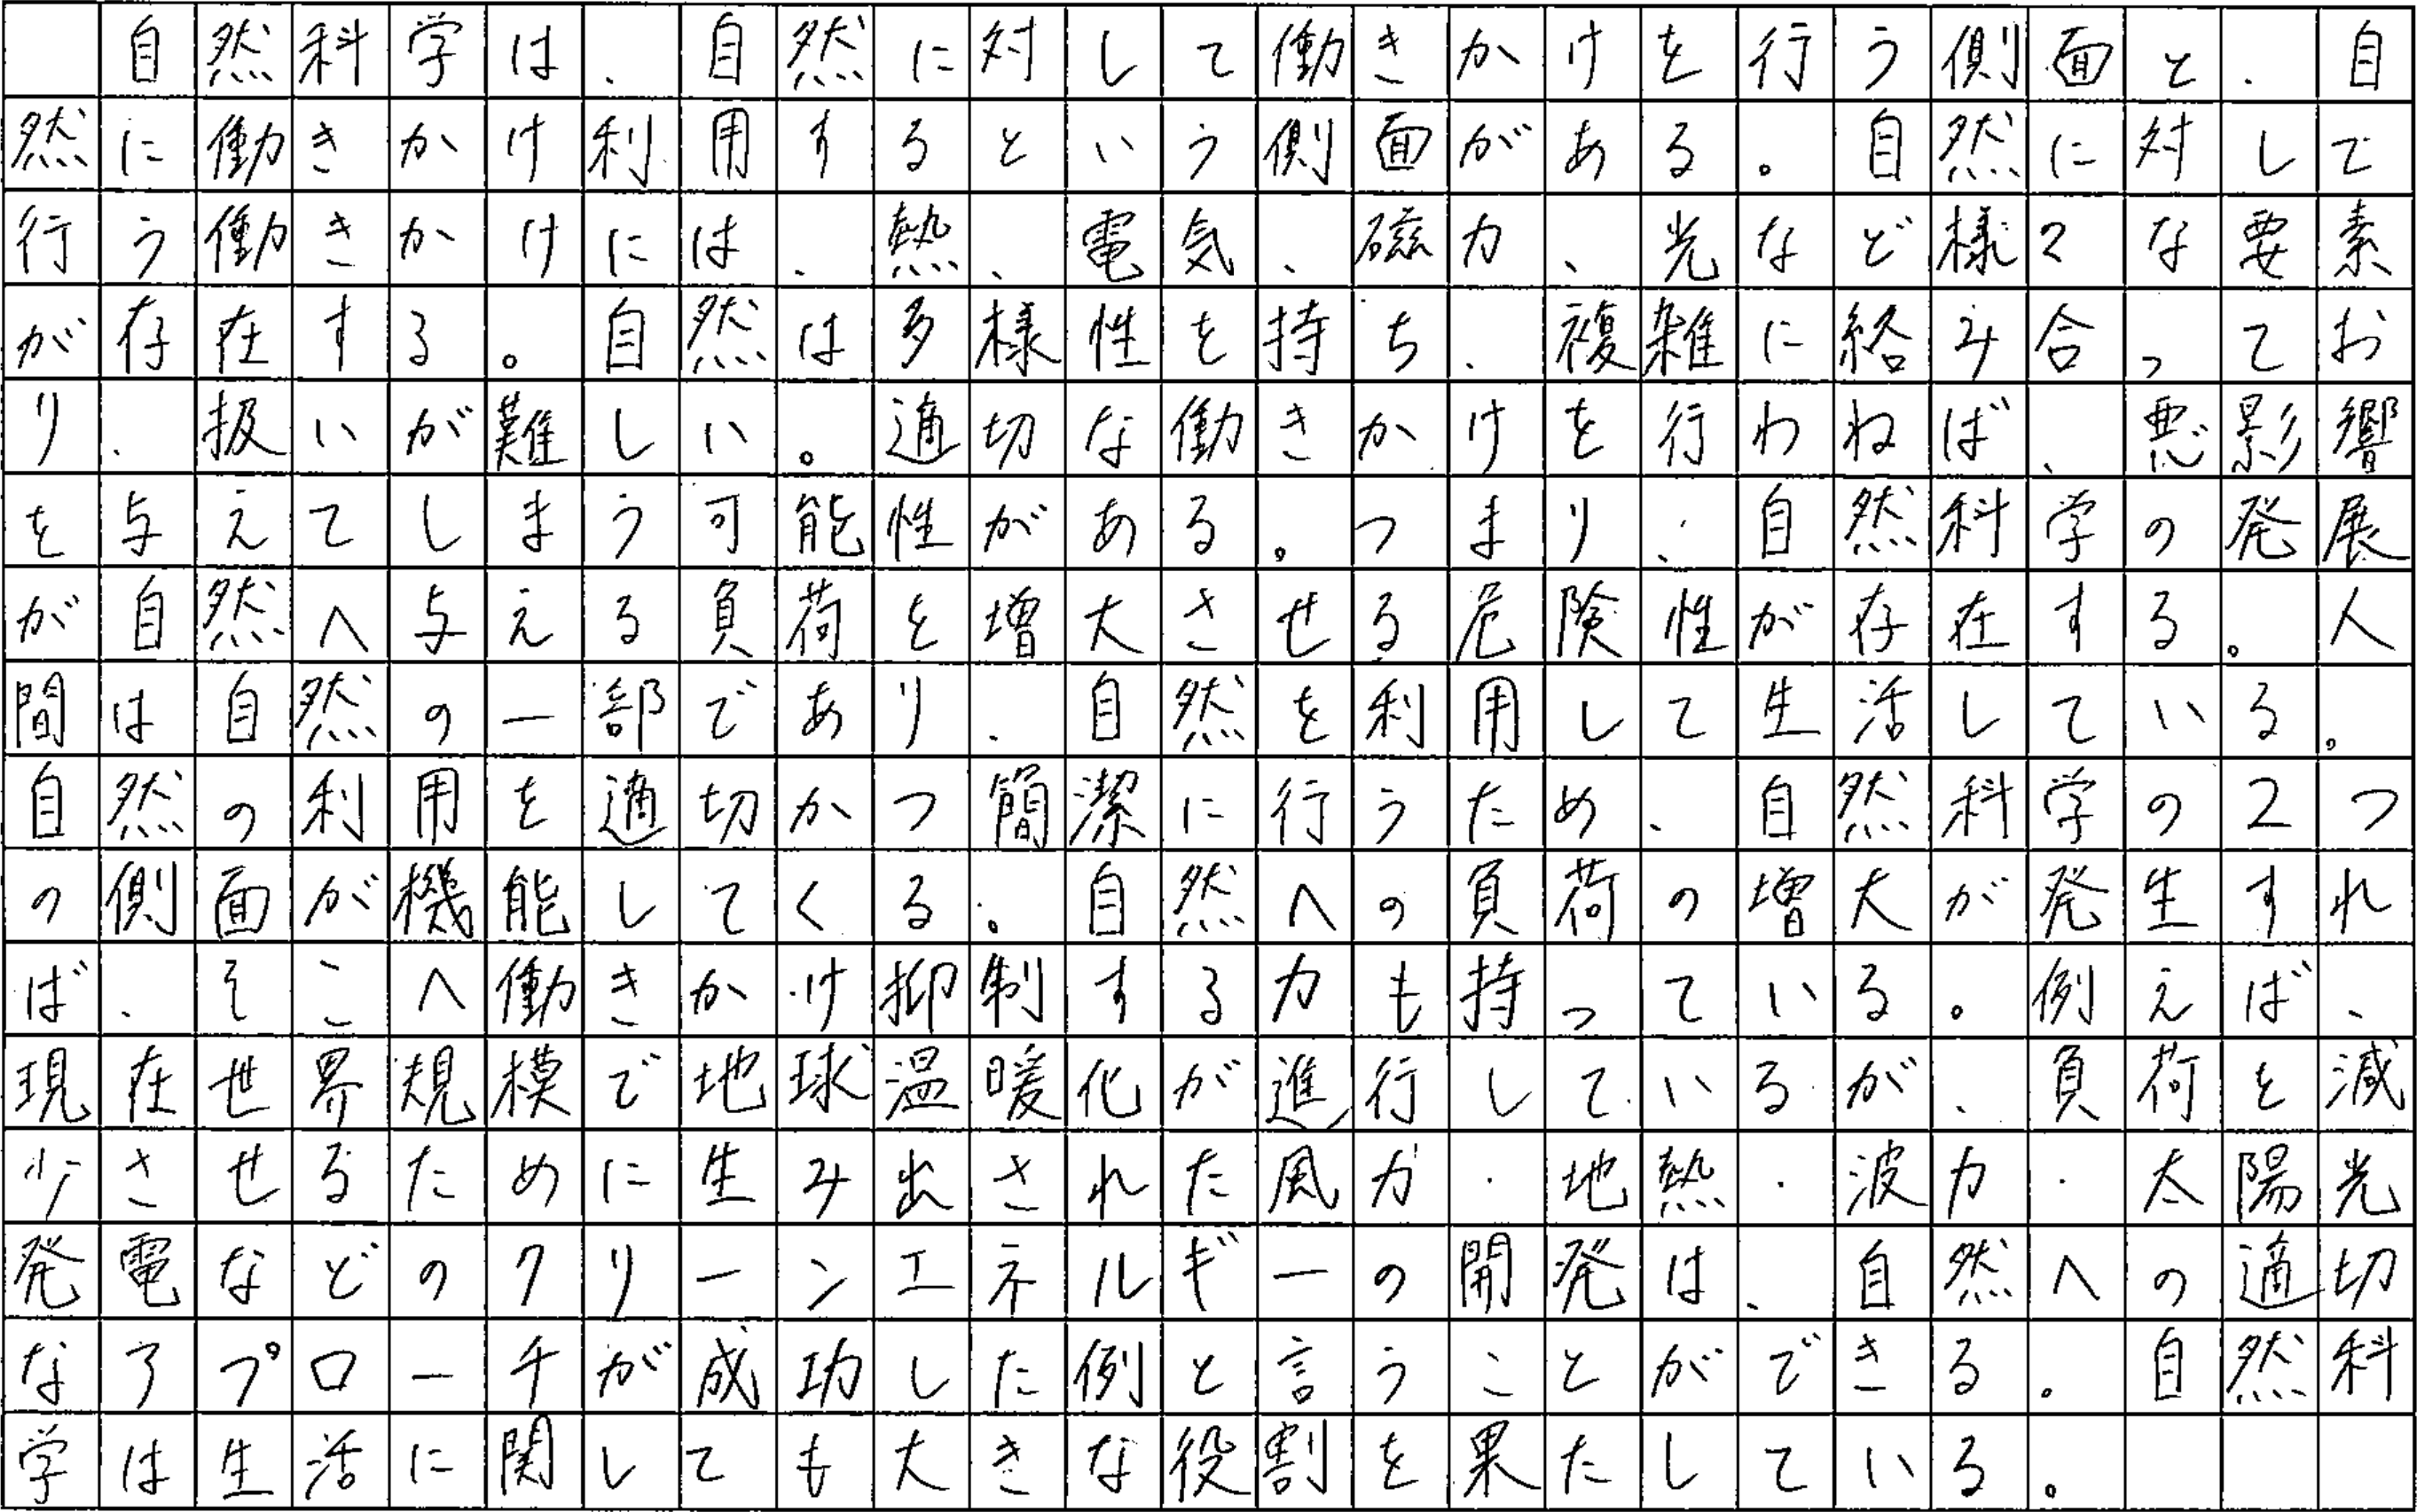　自然科学は、自然に対して働きかけを行う側面と、自然に働きかけ利用するという側面がある。自然に対して行う働きかけには、熱、電気、磁力、光など様々な要素が存在する。自然は多様性を持ち、複雑に絡み合っており、扱いが難しい。適切な働きかけを行わねば、悪影響を与えてしまう可能性がある。つまり、自然科学の発展が自然へ与える負荷を増大させる危険性が存在する。人間は自然の一部であり、自然を利用して生活している。自然の利用を適切かつ簡潔に行うため、自然科学の２つの側面が機能してくる。自然への負荷の増大が発生すれば、そこへ働きかけ抑制する力も持っている。例えば、現在世界規模で地球温暖化が進行しているが、負荷を減少させるために生み出された風力・地熱・波力・太陽光発電などのクリーンエネルギーの開発は、自然への適切なアプローチが成功した例と言うことができる。自然科学は生活に関しても大きな役割を果たしている。
